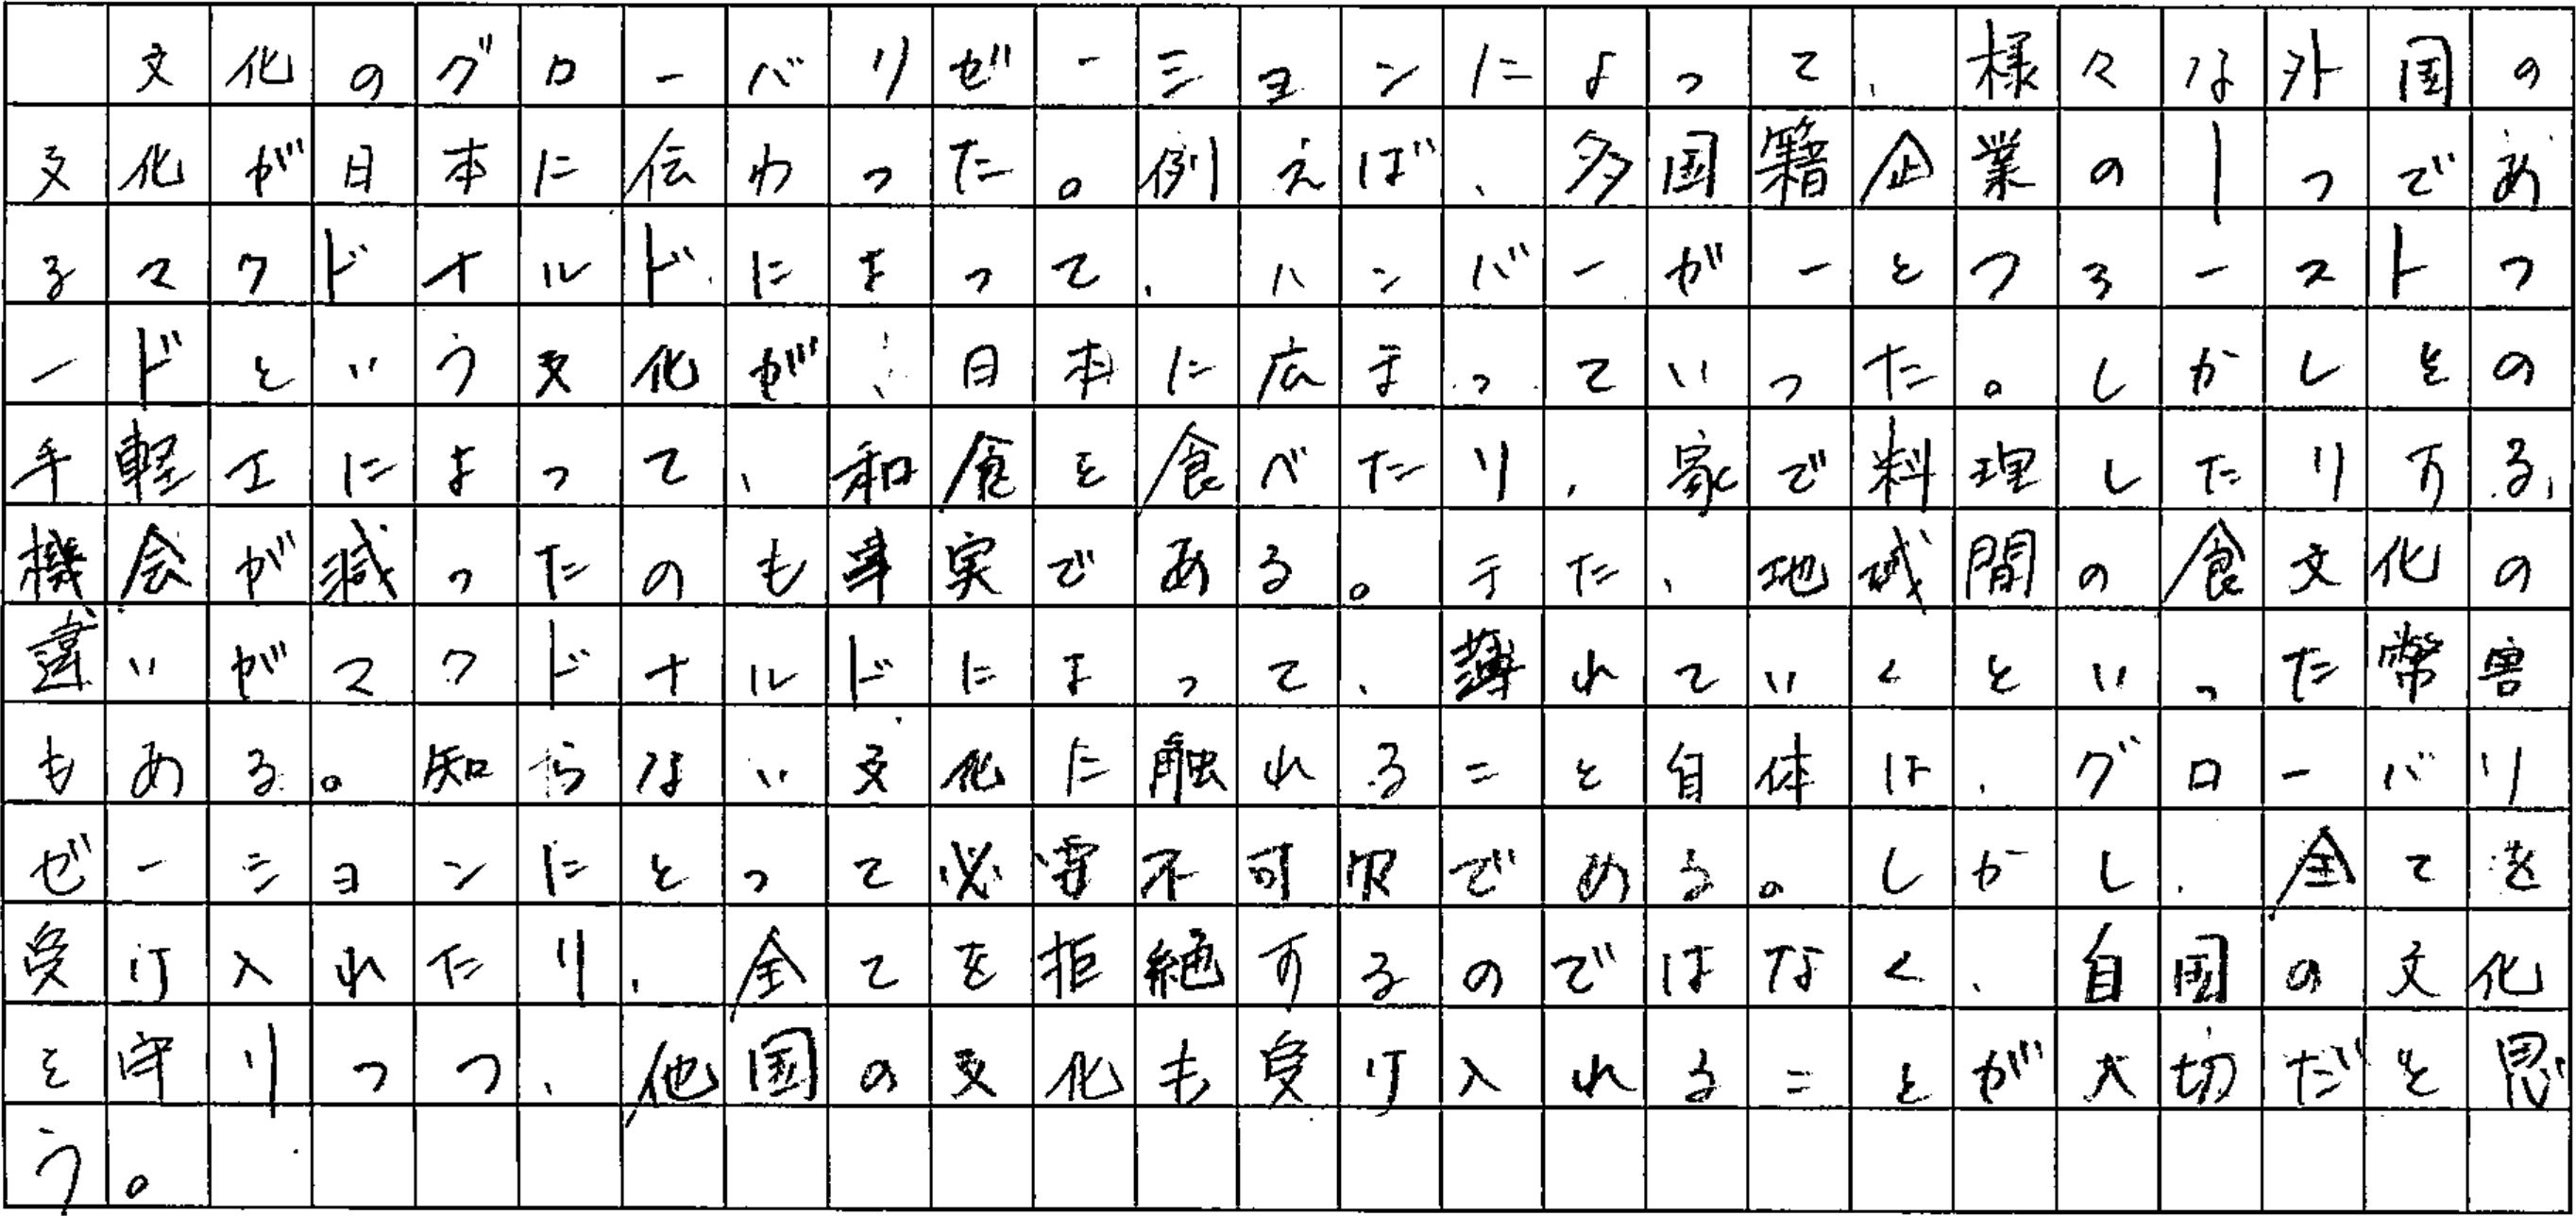　文化のグローバリゼーションによって、様々な外国の文化が日本に伝わった。例えば、多国籍企業の１つであるマクドナルドによって、ハンバーガーとファーストフードという文化が、日本に広まっていった。しかしその手軽さによって、和食を食べたり、家で料理したりする機会が減ったのも事実である。また、地域間の食文化の違いがマクドナルドによって、薄れていくといった幣害もある。知らない文化に触れること自体は、グローバリゼーションにとって必要不可欠である。しかし、全てを受け入れたり、全てを拒絶するのではなく、自国の文化を守りつつ、他国の文化も受け入れることが大切だと思う。
